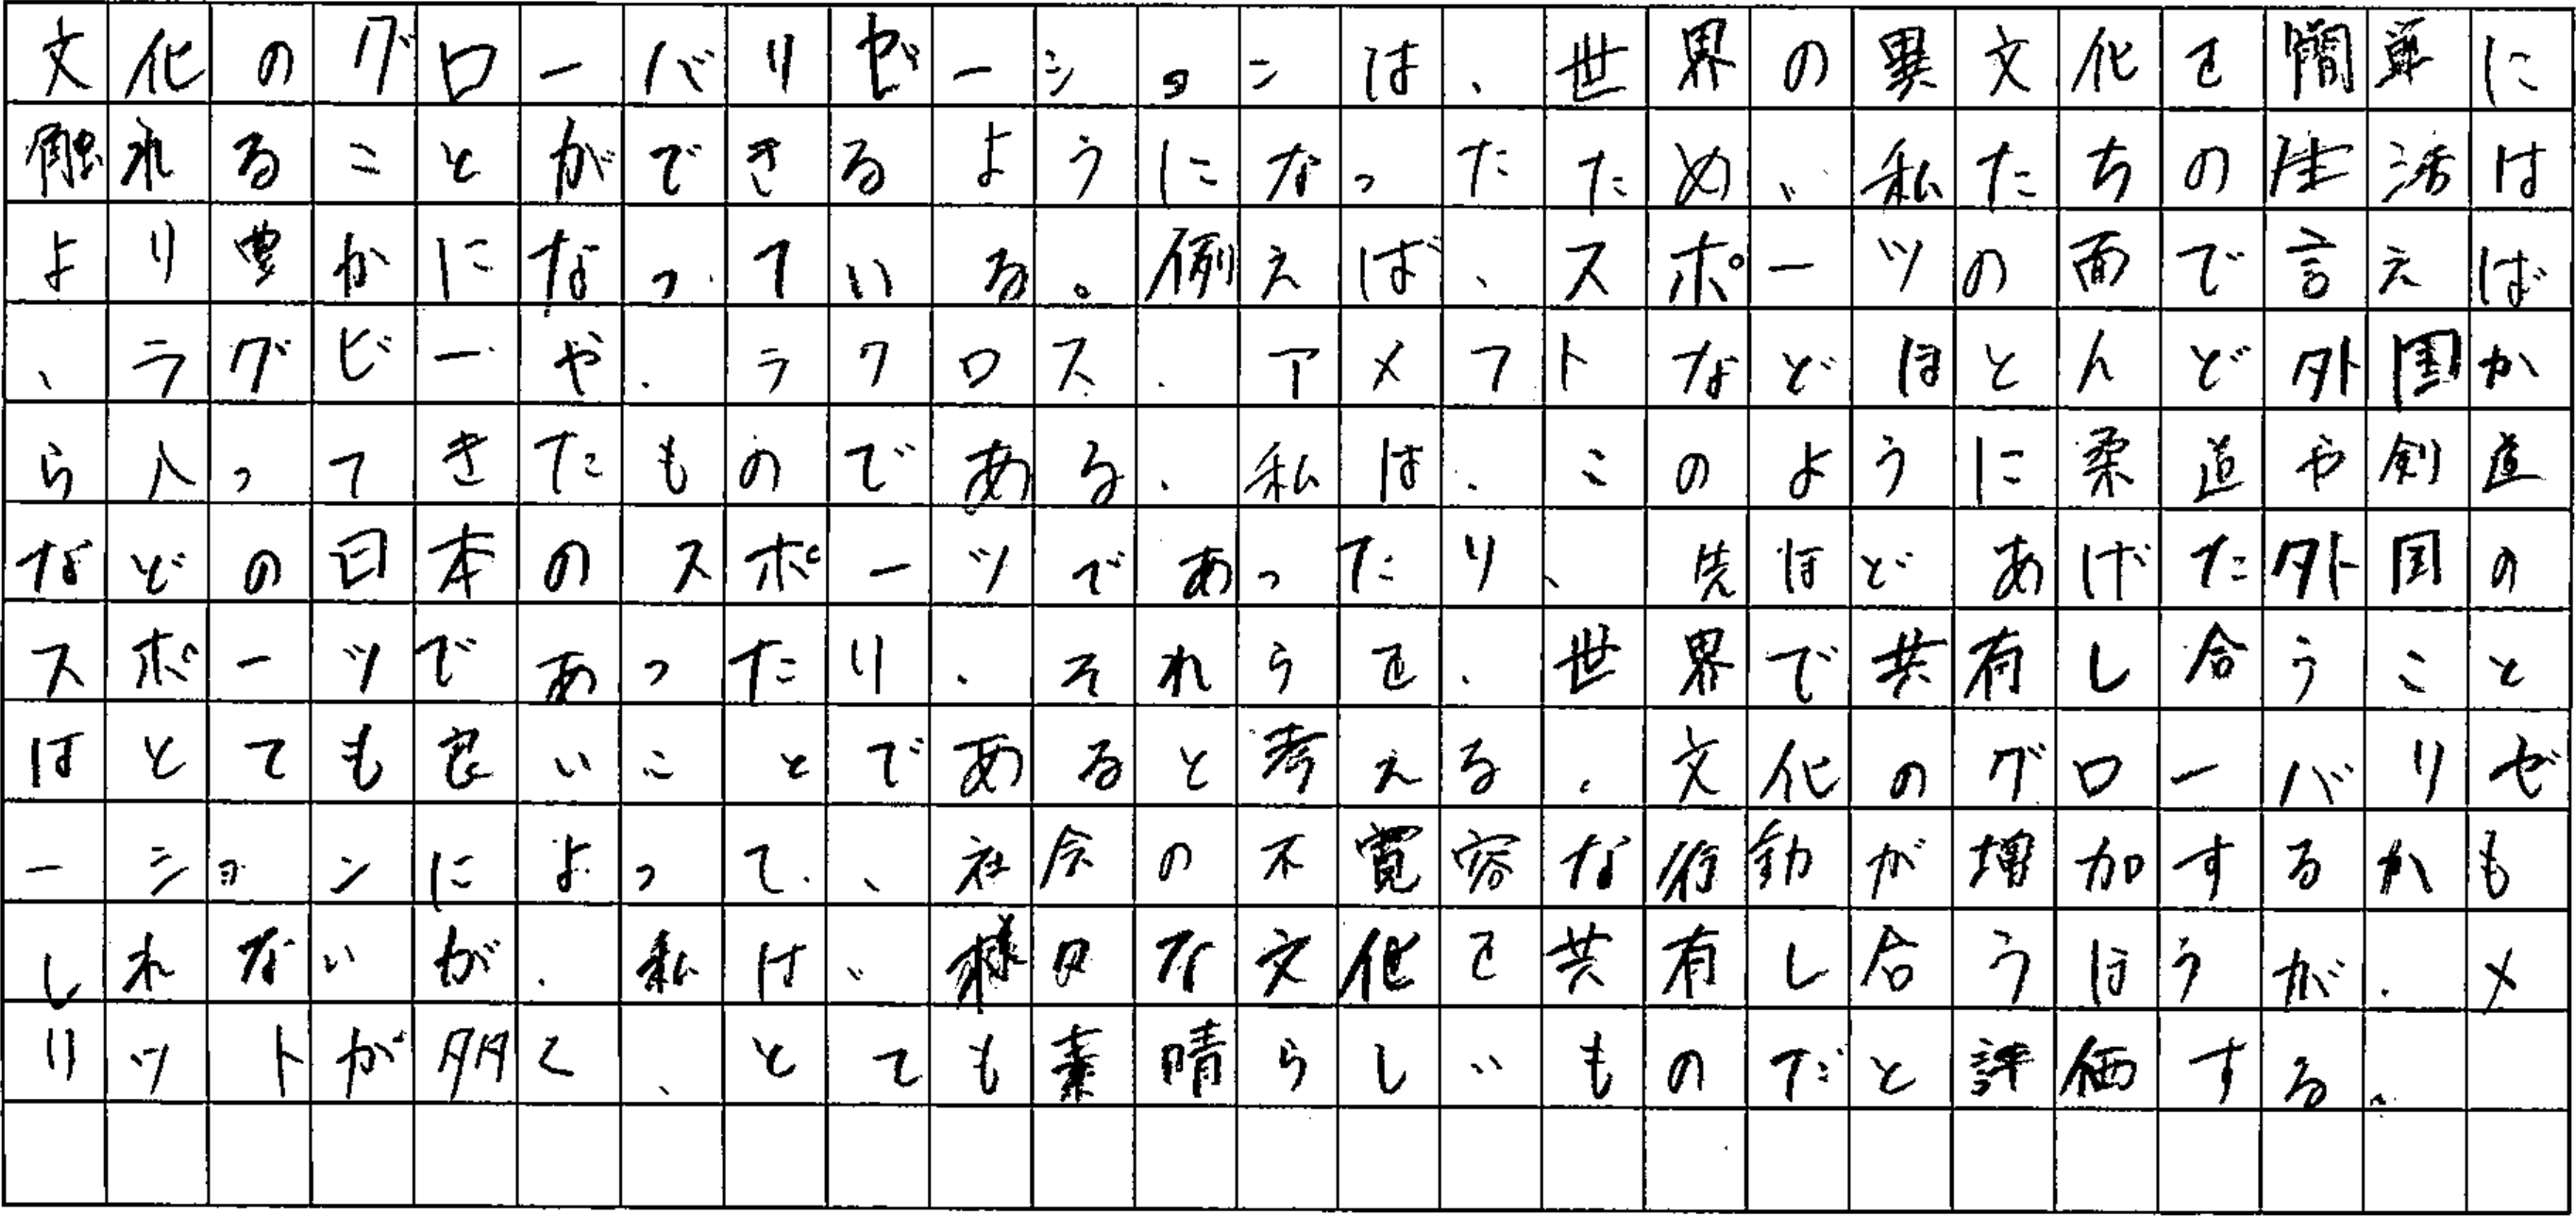文化のグローバリゼーションは、世界の異文化を簡単に触れることができるようになったため、私たちの生活はより豊かになっている。例えば、スポーツの面で言えば、ラグビーや、ラクロス、アメフトなどほとんど外国から入ってきたものである。私は、このように柔道や剣道などの日本のスポーツであったり、先ほどあげた外国のスポーツであったり、それらを、世界で共有し合うことはとても良いことであると考える。文化のグローバリゼーションによって、社会の不寛容な行動が増加するかもしれないが、私は、様々な文化を共有し合うほうが、メリットが多く、とても素晴らしいものだと評価する。
